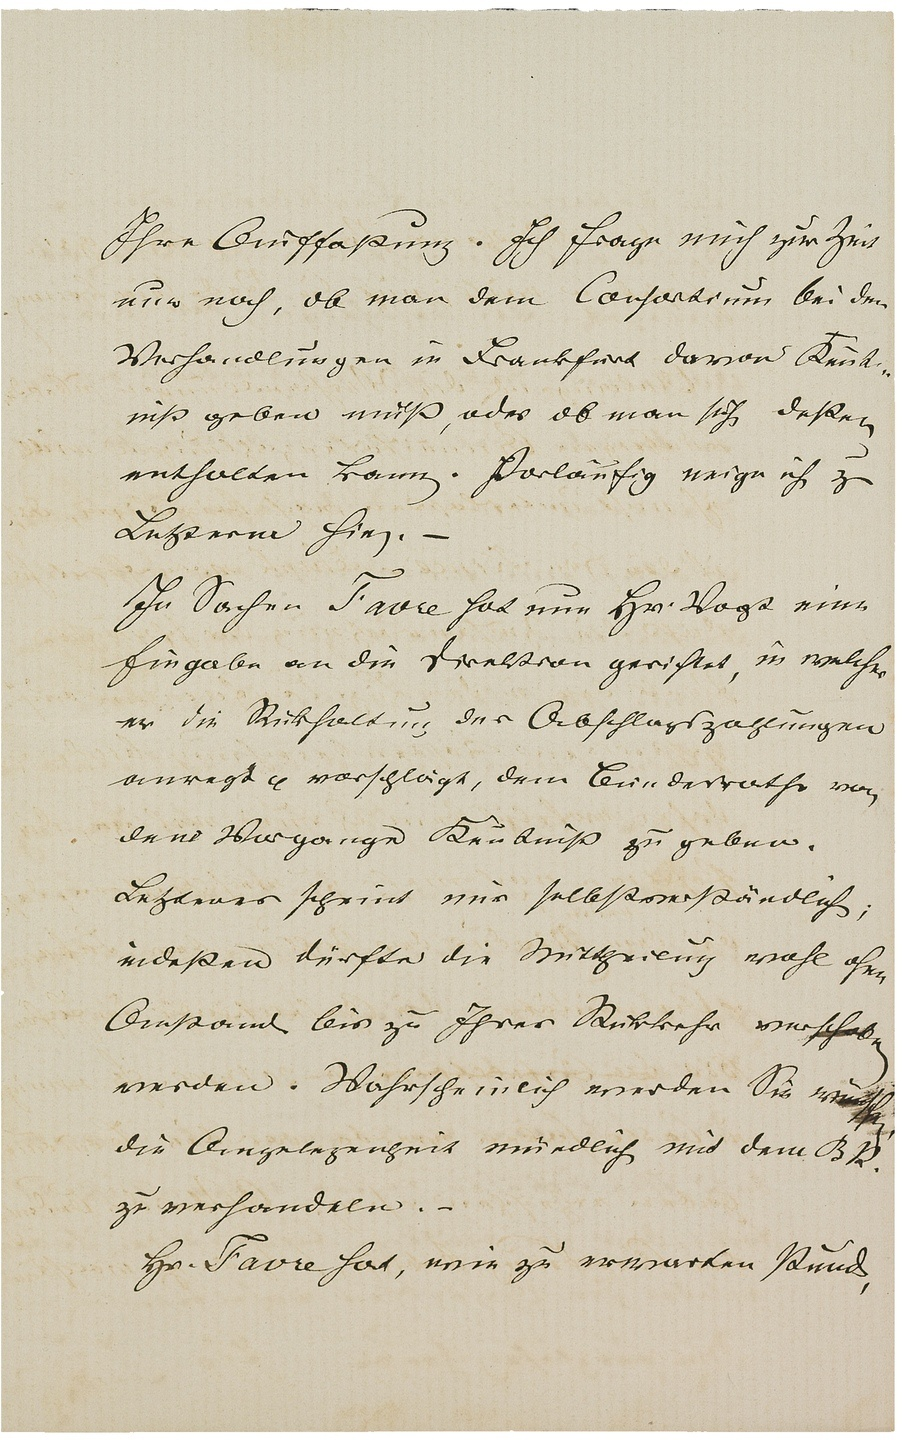Ihre Auffaßung. Ich frage mich zur Zeit
nur noch, ob man dem Consortium bei den
Verhandlungen in Frankfurt davon Kennt-
niß geben muß, oder ob man sich deßen
enthalten kann. Vorläufig neige ich zu
Letzterm hin. –
In Sachen Favre hat nun Hr. Vogt eine
Eingabe an die Direktion gerichtet, in welcher
er die Rükhaltung der Abschlagszahlungen
anregt & vorschlägt, dem Bundesrathe von
dem Vorgange Kenntniß zu geben.
Letzteres scheint mir selbstverständlich;
indeßen dürfte die Mittheilung wohl ohne
Anstand bis zu Ihrer Rükkehr verschoben
werden. Wahrscheinlich werden Sie wünschen,
die Angelegenheit mündlich mit dem BR.
zu verhandeln. –
Hr. Favre hat, wie zu erwarten stund,